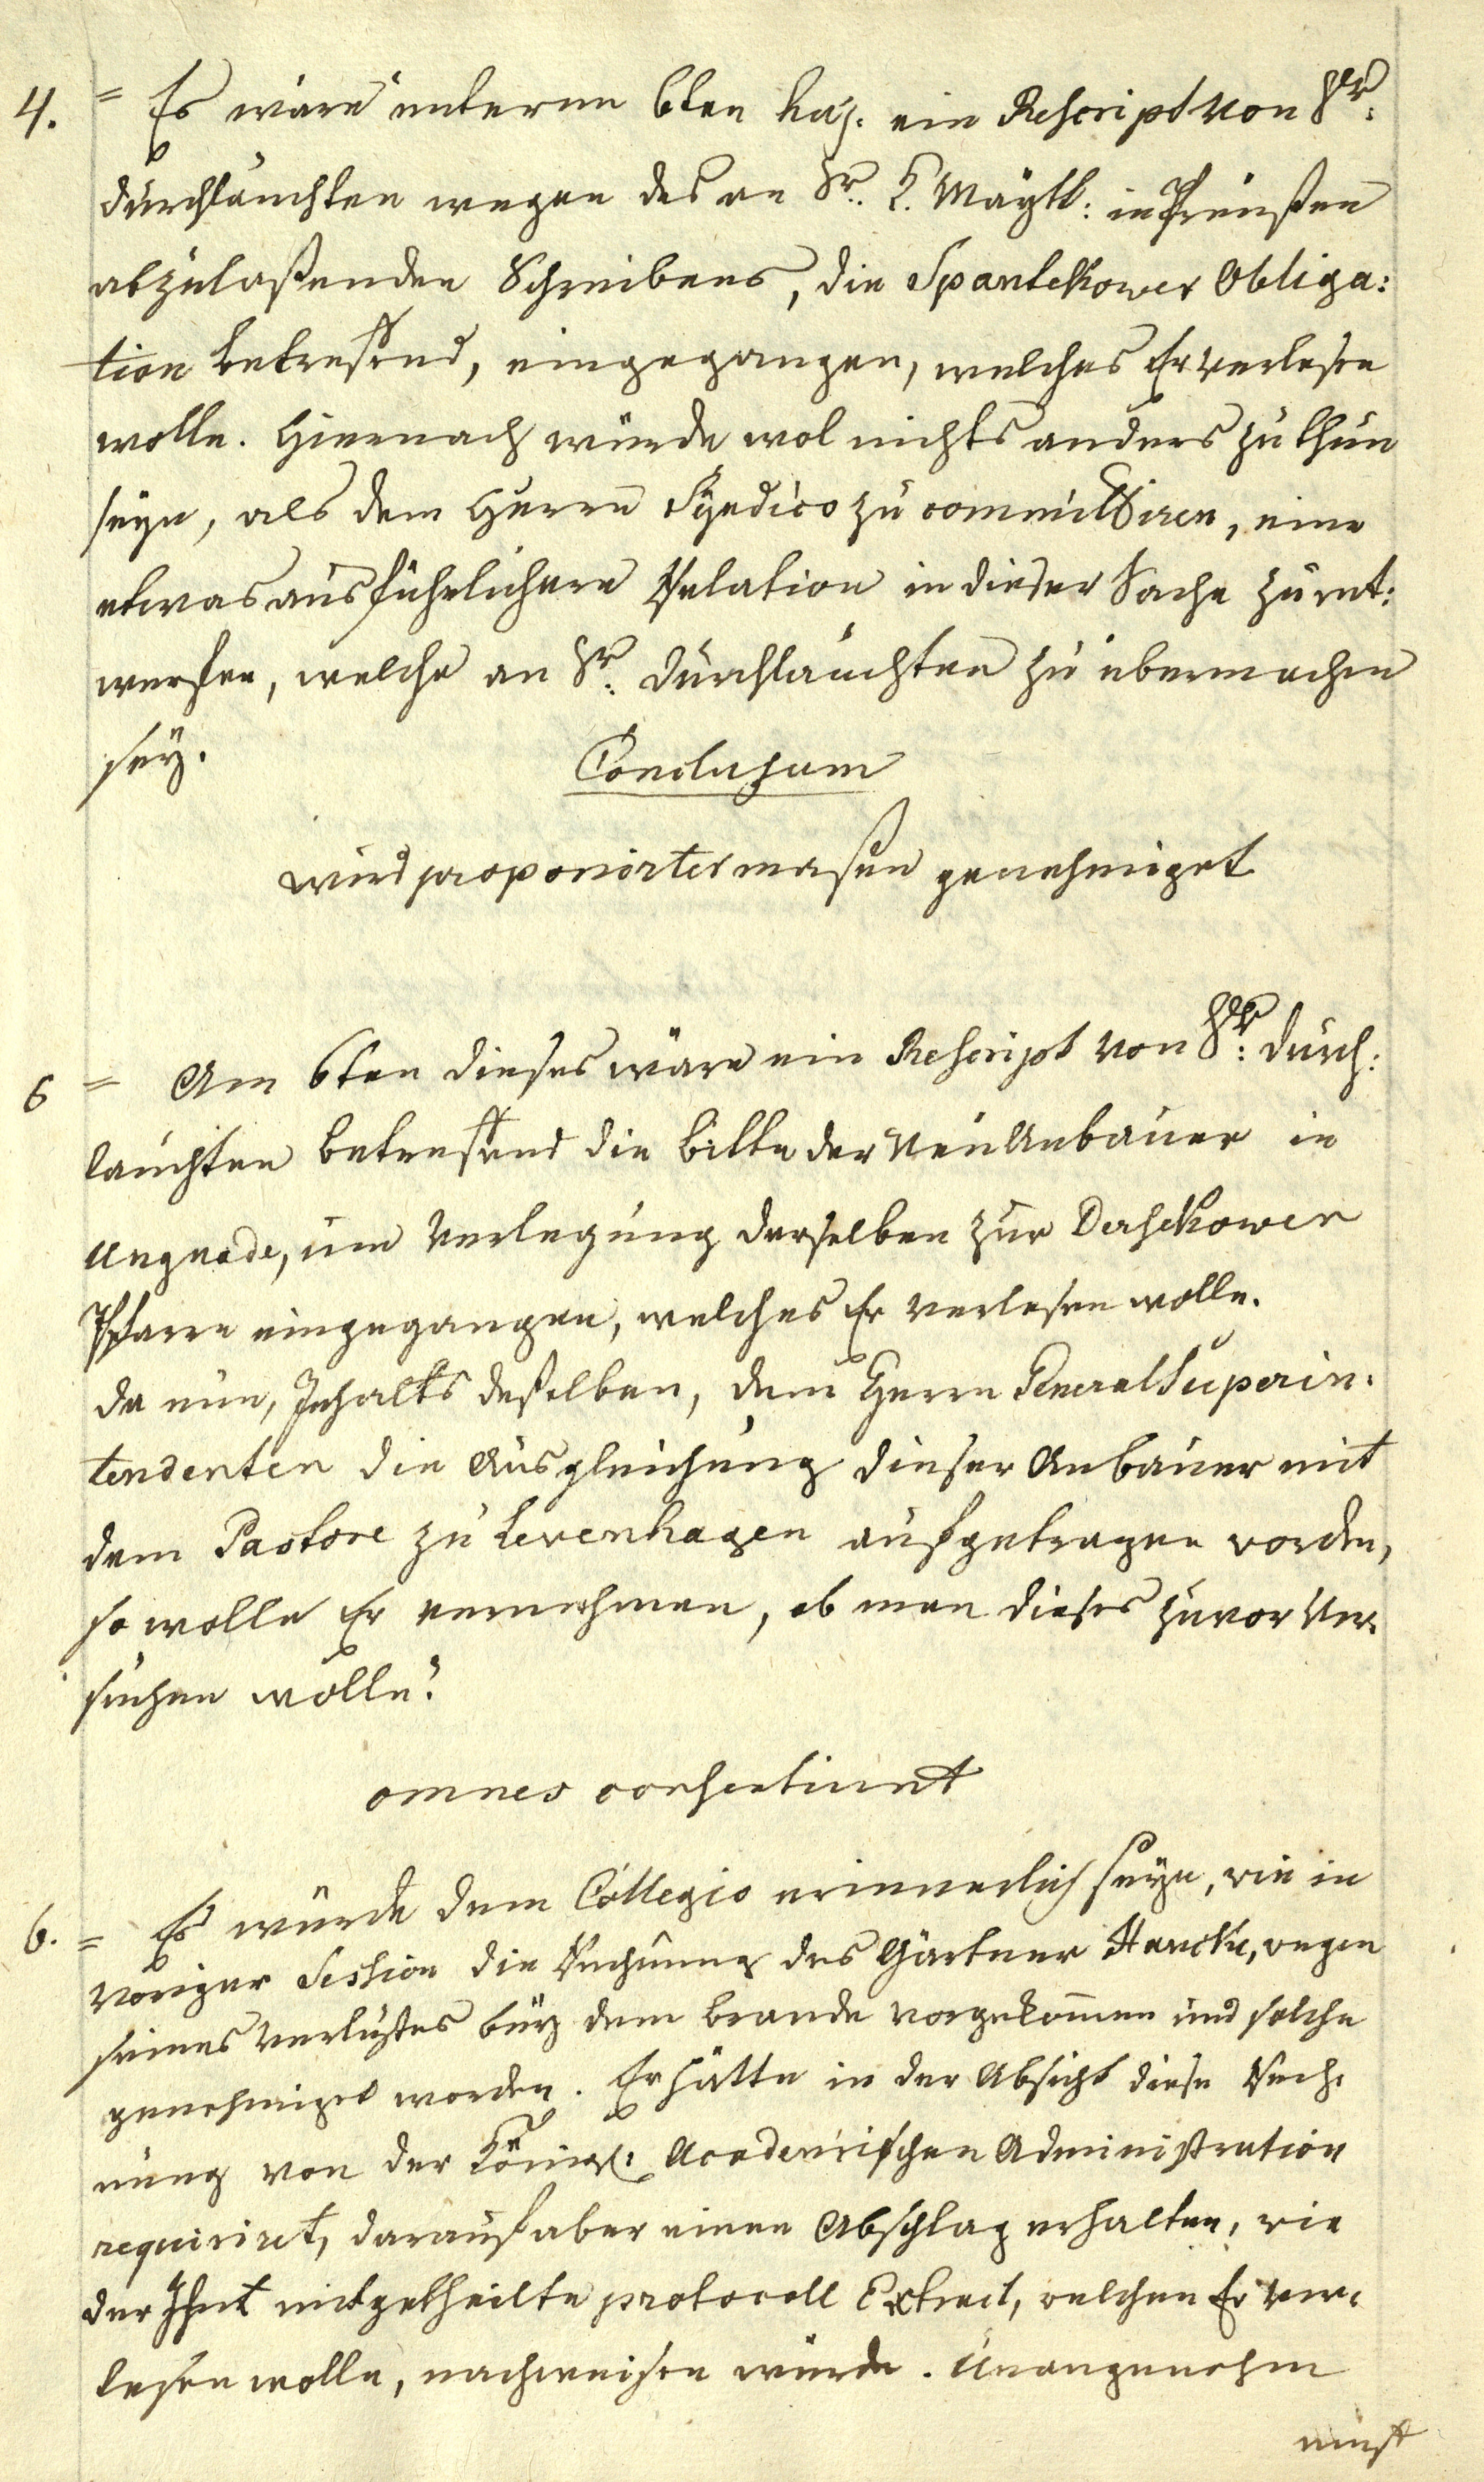4. Es wäre unterm 6 ten huj. ein Rescript von Sr
Durchlauchten wegen des an Sr. K. Maÿtt. in Preußen
abzulaßenden Schreibens die Spantekower Obliga¬
tion betreffend, eingegangen, welches Er verlesen
wolle. Hiernach würde wohl nichts anders zu thun
seÿn, als dem Herrn Sÿndico zu committiren, eine
etwas ausführlichere Relation in dieser Sache zu ent¬
werfen, welche an Sr. Durchlauchten zu übermachen
seÿ.
Conclusum
wird proponirter maßen genehmiget
5. Am 6 ten dieses wäre ein Rescript von Sr. Durch¬
lauchten betreffend die Bitte der NeuAnbauer in
Ungnade, um Verlegung derselben zur Dersekower
Pfarre eingegangen, welches Er verlesen wolle.
Da nun, Inhalts deßelben, dem Herrn GeneralSuperin¬
tendenten die Ausgleichung dieser Anbauer mit
dem Pastore zu Levenhagen aufgetragen worden,
so wolle Er vernehmen ob man dieses zuvor ver¬
suchen wolle?
omnes consentiunt
6. Es würde dem Collegio erinnerlich seÿn, wie in
voriger Session die Rechnung des Gärtner Hancke, wegen
seines Verlustes beÿ dem Brande vorgekomen und solche
genehmiget worden. Er hätte in der Absicht diese Rech¬
nung von der Königl. Academischen Administration
requiriret, darauf aber einen Abschlag erhalten, wie
der Ihm mitgetheilte protocoll Extract, welchen Er ver¬
lesen wolle, nachweisen würde. Unangenehm
ist